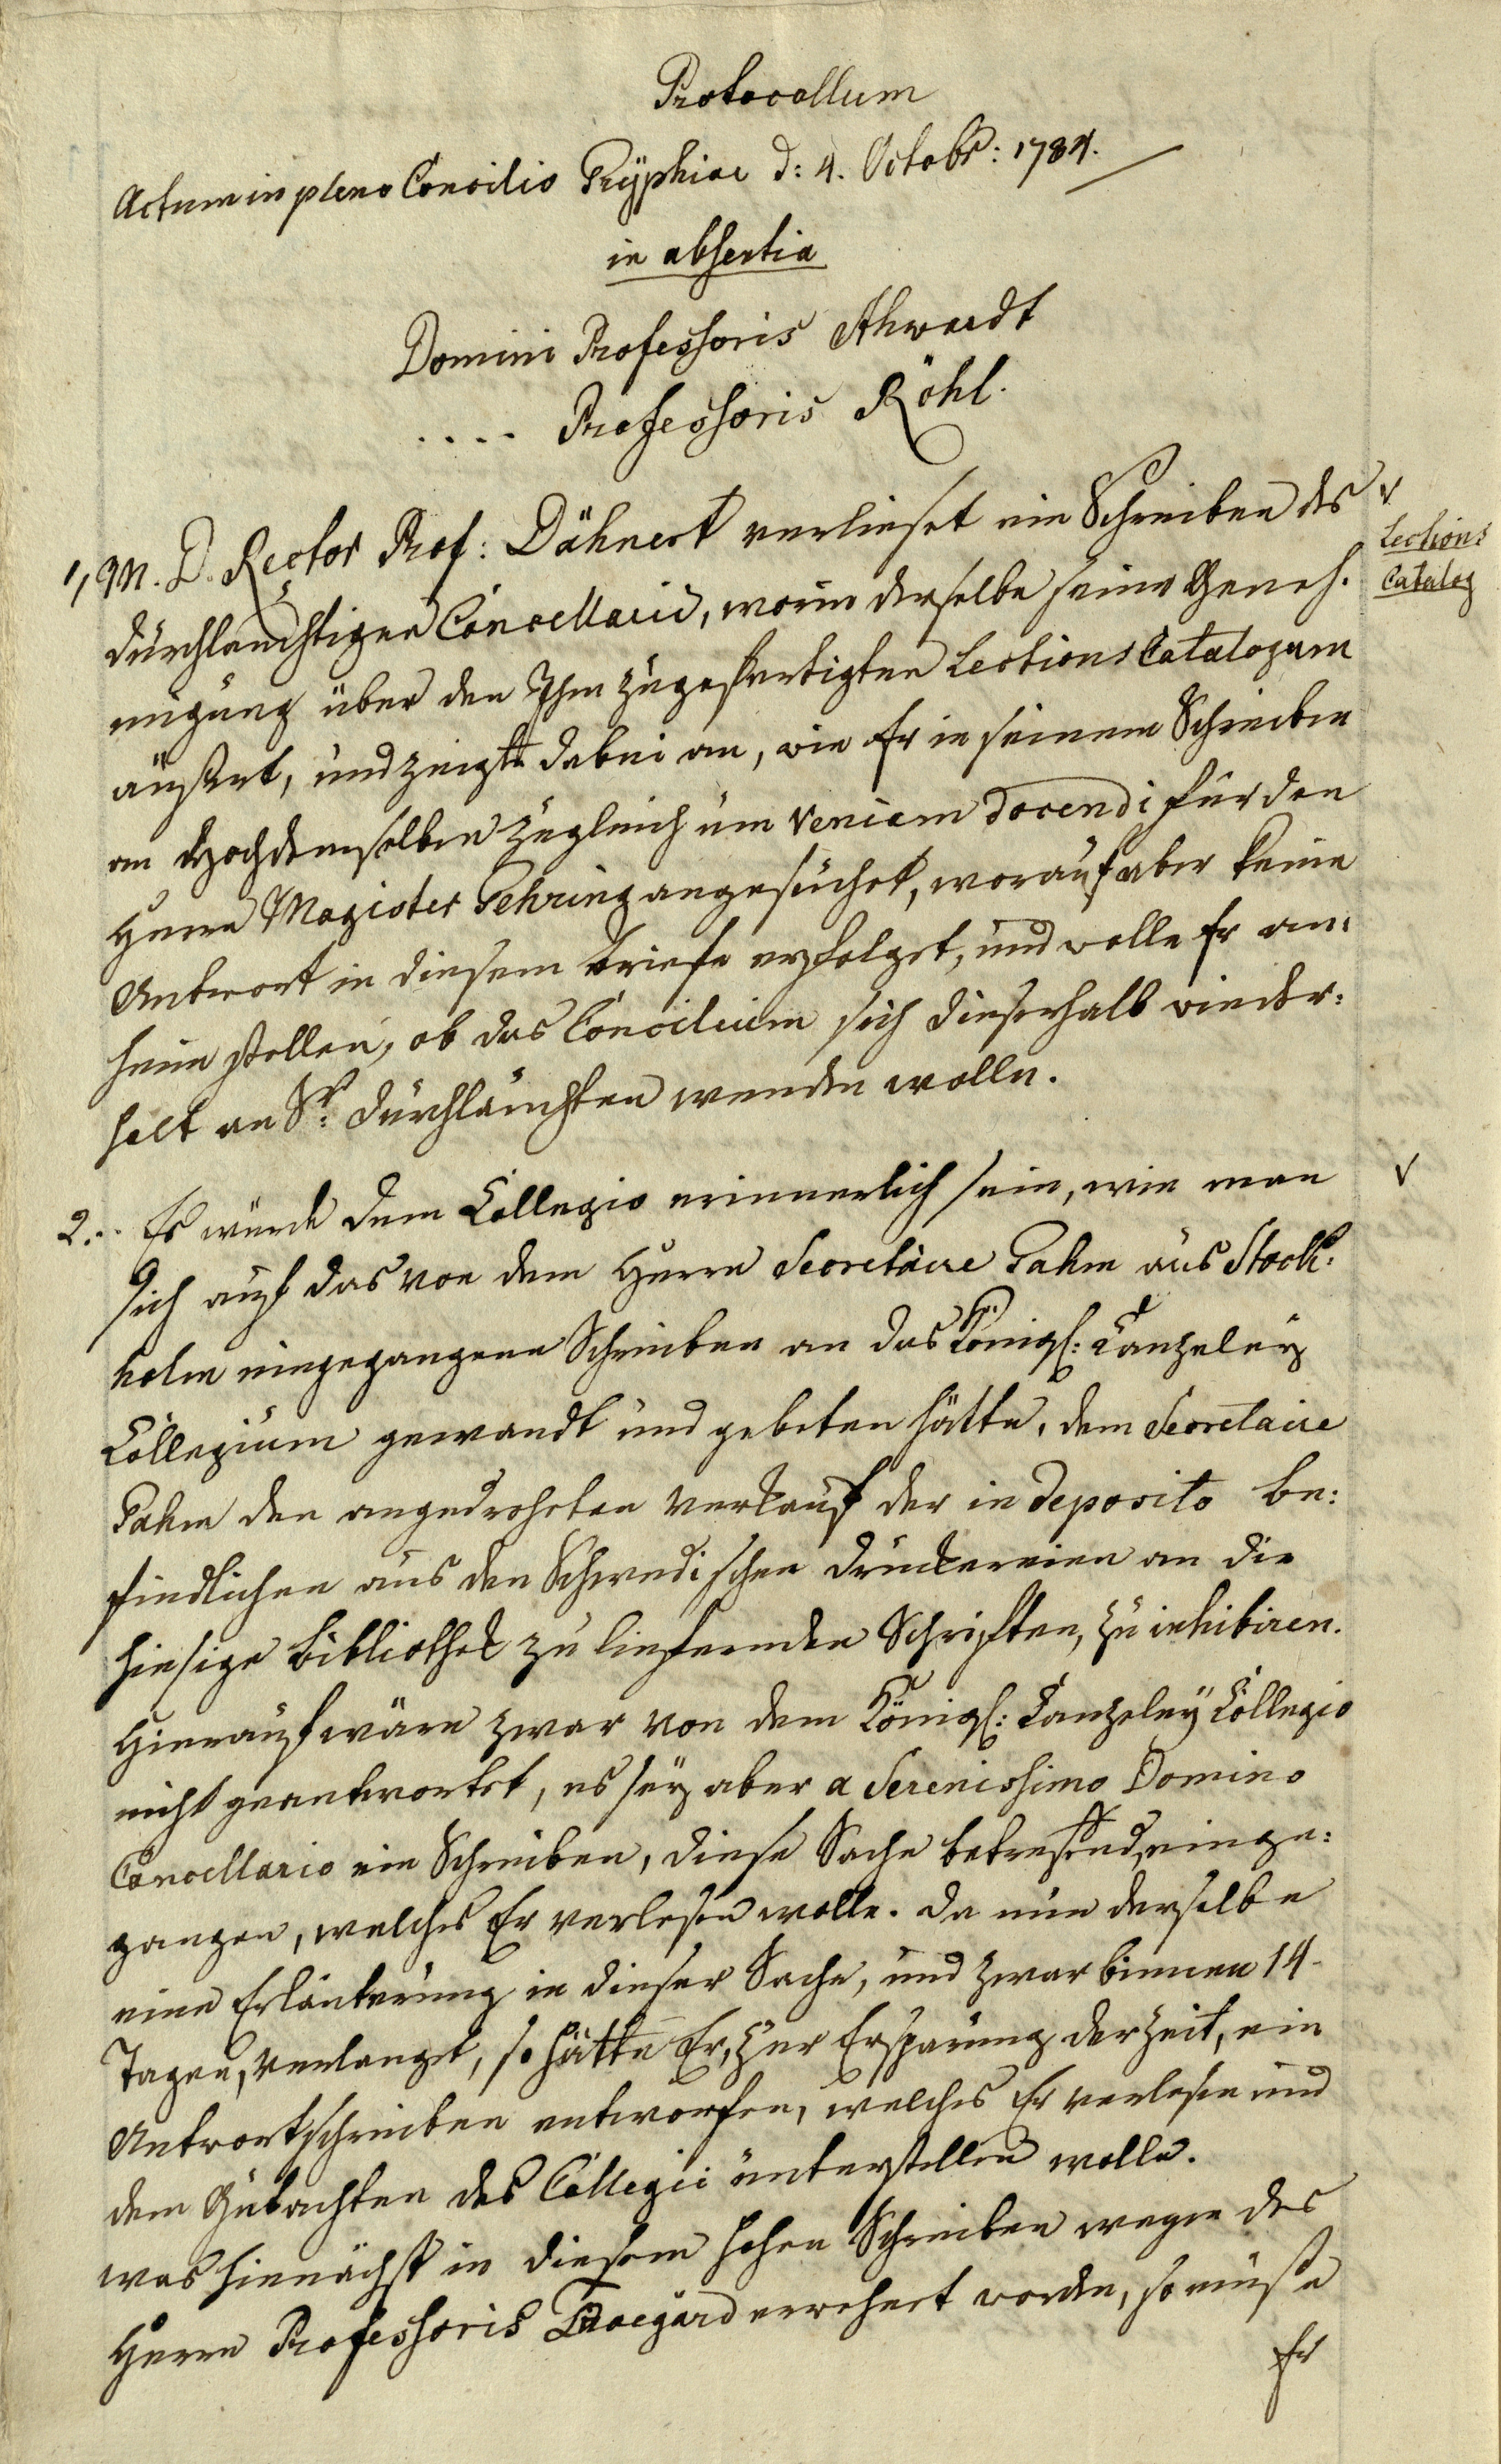Protocollum
Actum in pleno Concilio Grÿphiae d. 4. Octobr. 1784
in absentia
Domini Professoris Ahwardt
Professoris Röhl.
1, M. D. Rector Prof. Dähnert verlieset ein Schreiben des
Durchlauchtigen Cancellarii, worin derselbe seine Geneh¬
migung über den Ihm zugefertigten Lections Catalogum
äußert, und zeigte dabei an, wie Er in seinem Schreiben
an Hochdemselben zugleich um veniam docendi für den
Herrn Magister Gehring angesuchet, worauf aber keine
Antwort in diesem Briefe erfolget, und wollte Er an¬
heim stellen, ob das Concilium sich dieserhalb wieder¬
holt an Sr. Durchlauchten wenden wolle.
2. Es würde dem Collgio erinnerlich sein, wie man
sich auf das von dem Herrn Secretaire Gahm aus Stock¬
holm eingegangene Schreiben an das Königl. Canzeleÿ
Collegium gewandt und gebeten hätte, dem Secretaire
Gahm den angedroheten Verkauf der in deposito be¬
findlichen aus den schwedischen Druckereien an die
hiesige Bibliothek zu liefernden Schriften, zu inhibiren.
Hierauf wäre zwar von dem Königl. Canzeleÿ Collegio
nicht geantwortet, es seÿ aber a Serenissimo Domino
Cancellario ein Schreiben, diese Sache betreffend, einge¬
gangen, welches Er verlesen wolle. Da nun derselbe
eine Erläuterung in dieser Sache, und zwar binnen 14-
Tagen, verlanget, so hätte Er zur Ersparung der Zeit, ein
Antwortschreiben antworfen, welches Er verlesen und
dem Gutachten des Collegii unterstellen wolle.
Was hienächst in diesem hohen Schreiben wegen des
Herrn Professoris Traegård erwehnet worden, so müße Er